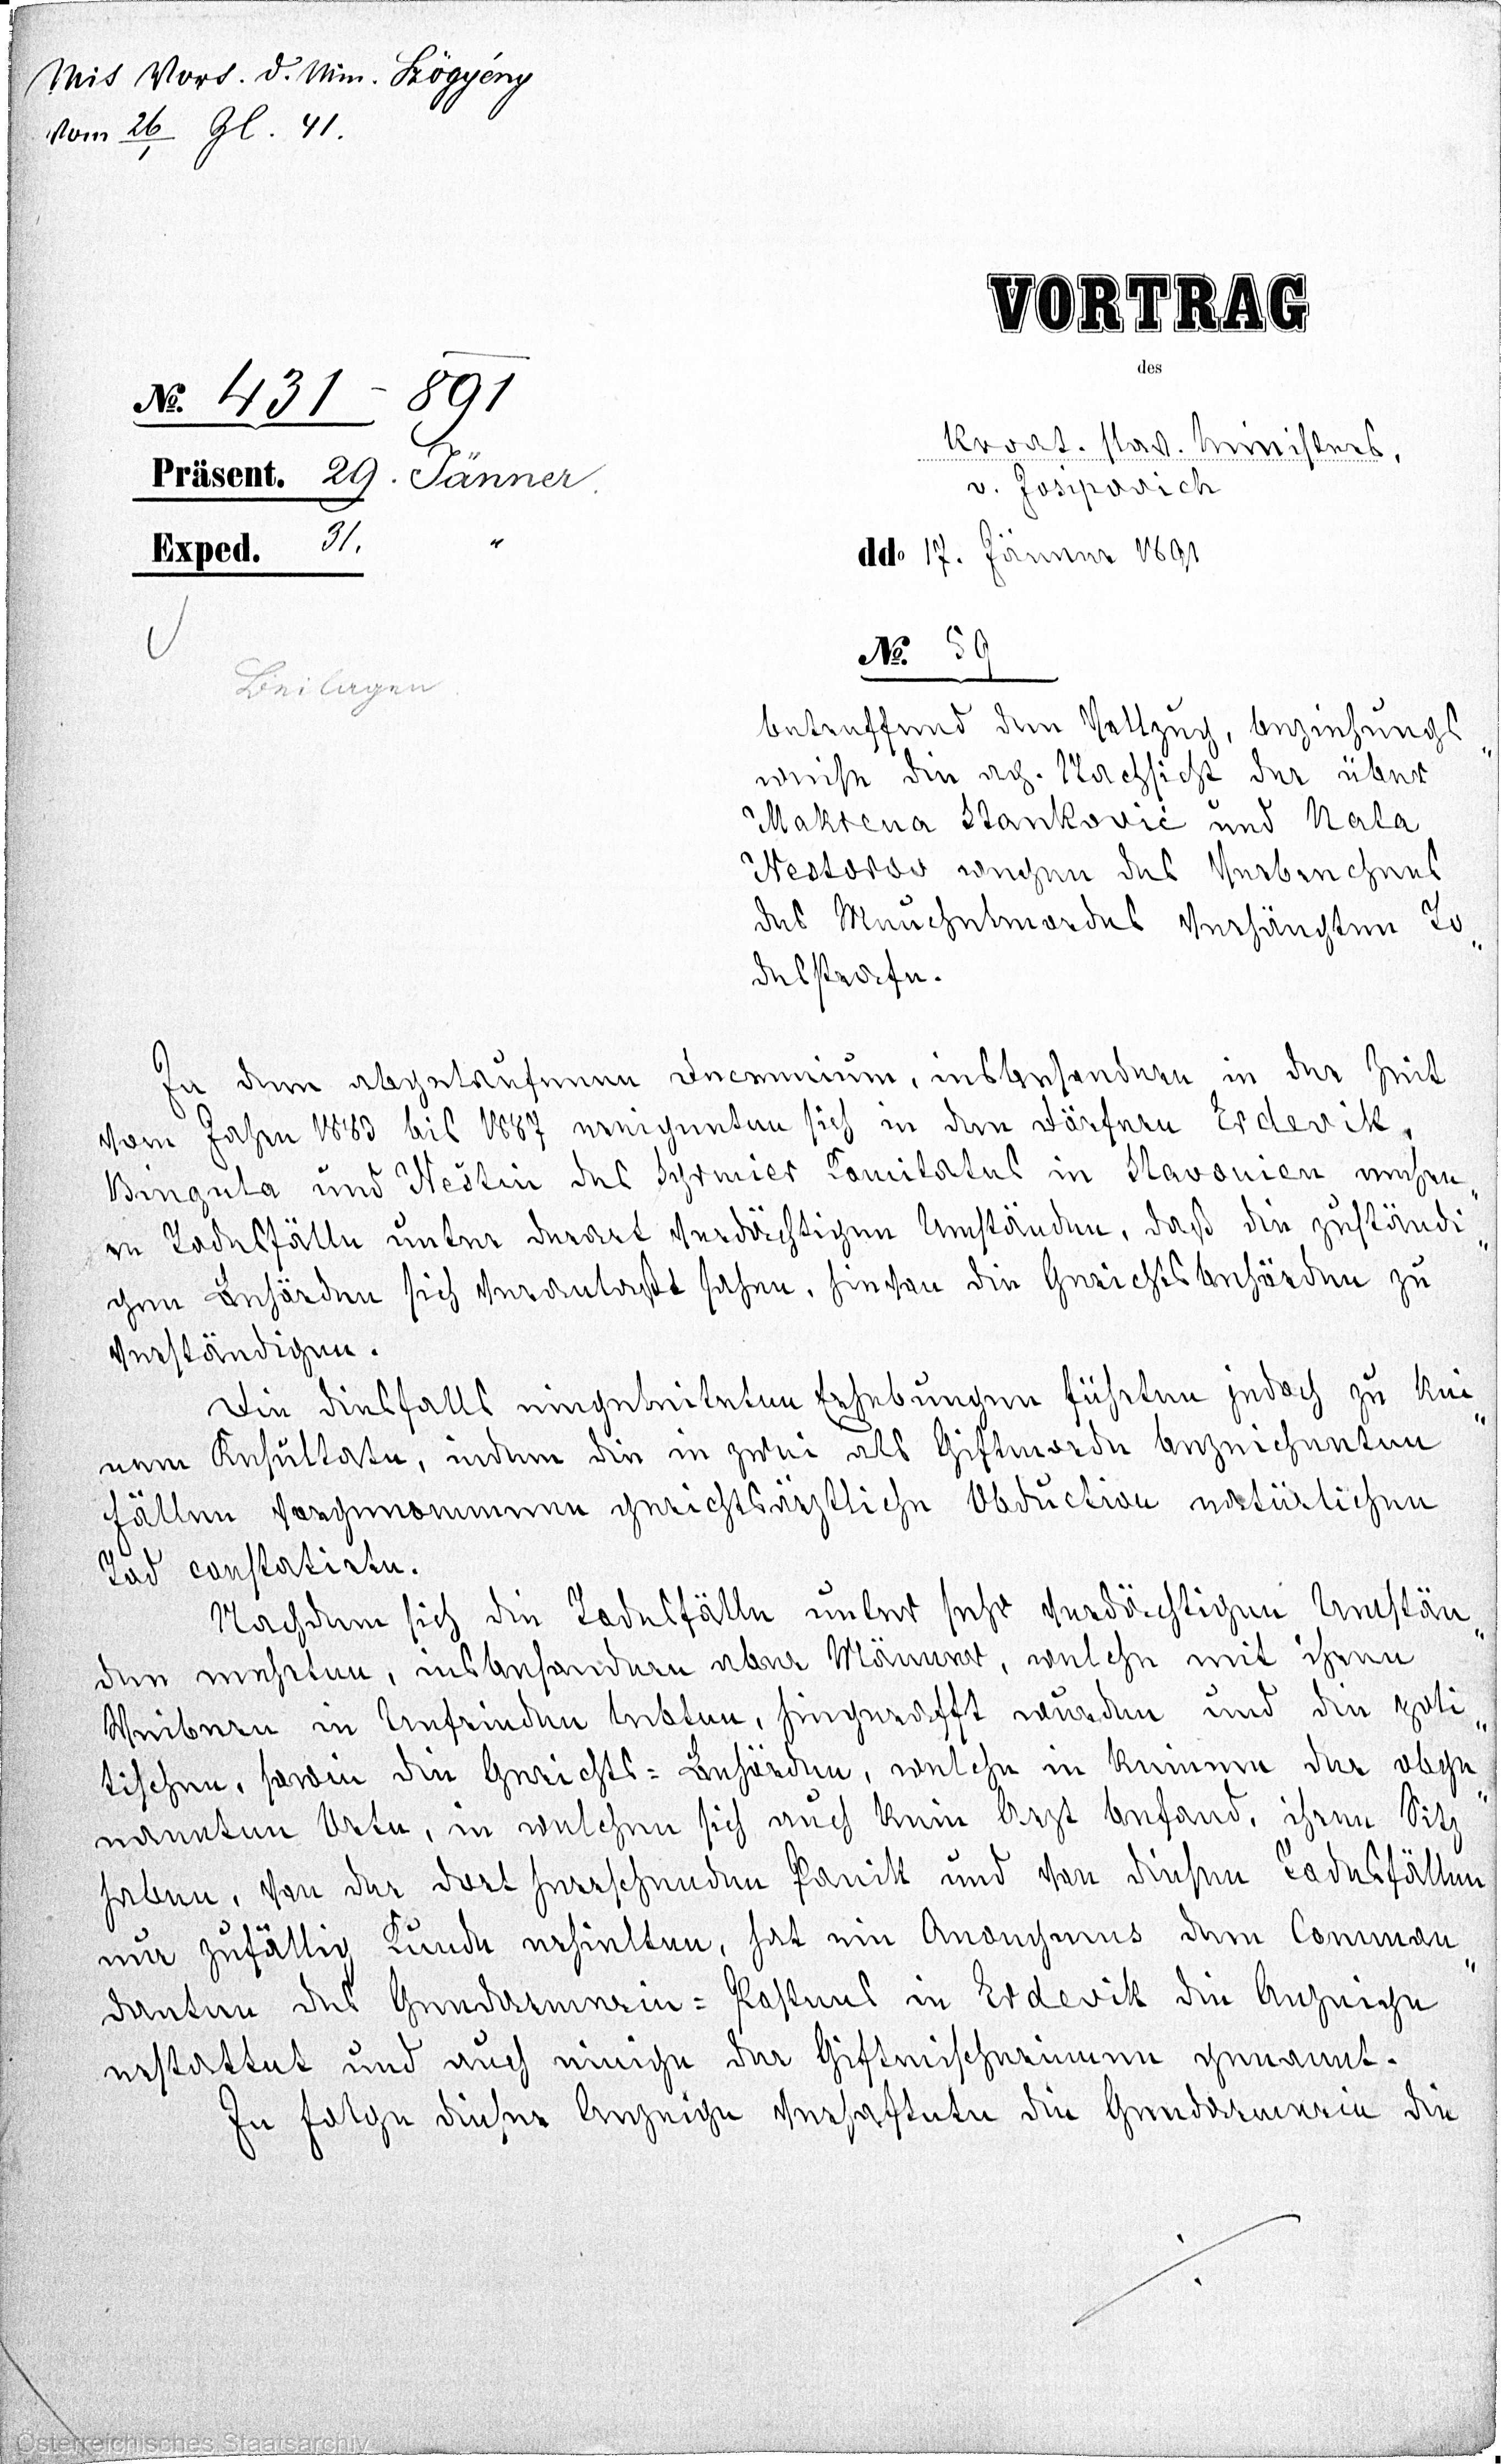Mit Vort. d. Min. Szögyény
vom 26/1 Zl. 41
No. 431 – 1891
Präsent. 29 Jänner
Expedit 31. Jänner
Beilagen
VORTRAG
des
kroat. slav. Ministers
v. Josipovich
Ddo 17. Jänner 1891
No. 59
Betreffend den Vollzug, beziehungs¬
weise die ag. Nachsicht der über
Makrena Skanković und Nala
Nestorov wegen des Verbrechens
des Meuchelmordes verhängten To¬
desstrafe.
In dem abgelaufenen Decennium, insbesondere in der Zeit
vom Jahre 1883 bis 1887 ereigneten sich den Dörfern Erdevik,
Bingula und Neštin des Syrmier Komitates in Slavonien mehre¬
re Todesfälle unter derart verdächtigen Umständen, daß die zuständi¬
gen Behörden sich veranlaßt sahen, hievon die Gerichtsbehörden zu
verständigen.
Die Diesfalls eingeleiteten Erhebungen führten jedoch zu kei¬
nem Resultate, indem die in zwei als Giftmorde bezeichneten
Fällen vorgenommene gerichtsärztliche Obduction natürlichen
Tod constatirte.
Nachdem sich die Todesfälle unter sehr verdächtigen Umstän¬
den mehrten, insbesondere aber Männer, welche mit ihren
Weibern in Unfrieden lebten, hingerafft wurden und die poli¬
ischen, sowie die Gerichts-Behörden, welche in keinem der obge¬
nannten Orte, in welchen sich auch kein Arzt befand, ihren Sitz
haben, von der dort herrschenden Panik und von diesen Todesfällen
nur zufällig Kunde erhielten, hat ein Anonymus dem Comman¬
danten des Gendarmerie-Postens in Erdevik die Anzeige
erstattet und auch einige der Giftmischerinnen genannt.
In Folge dieser Anzeige verhaftete die Gendarmerie die